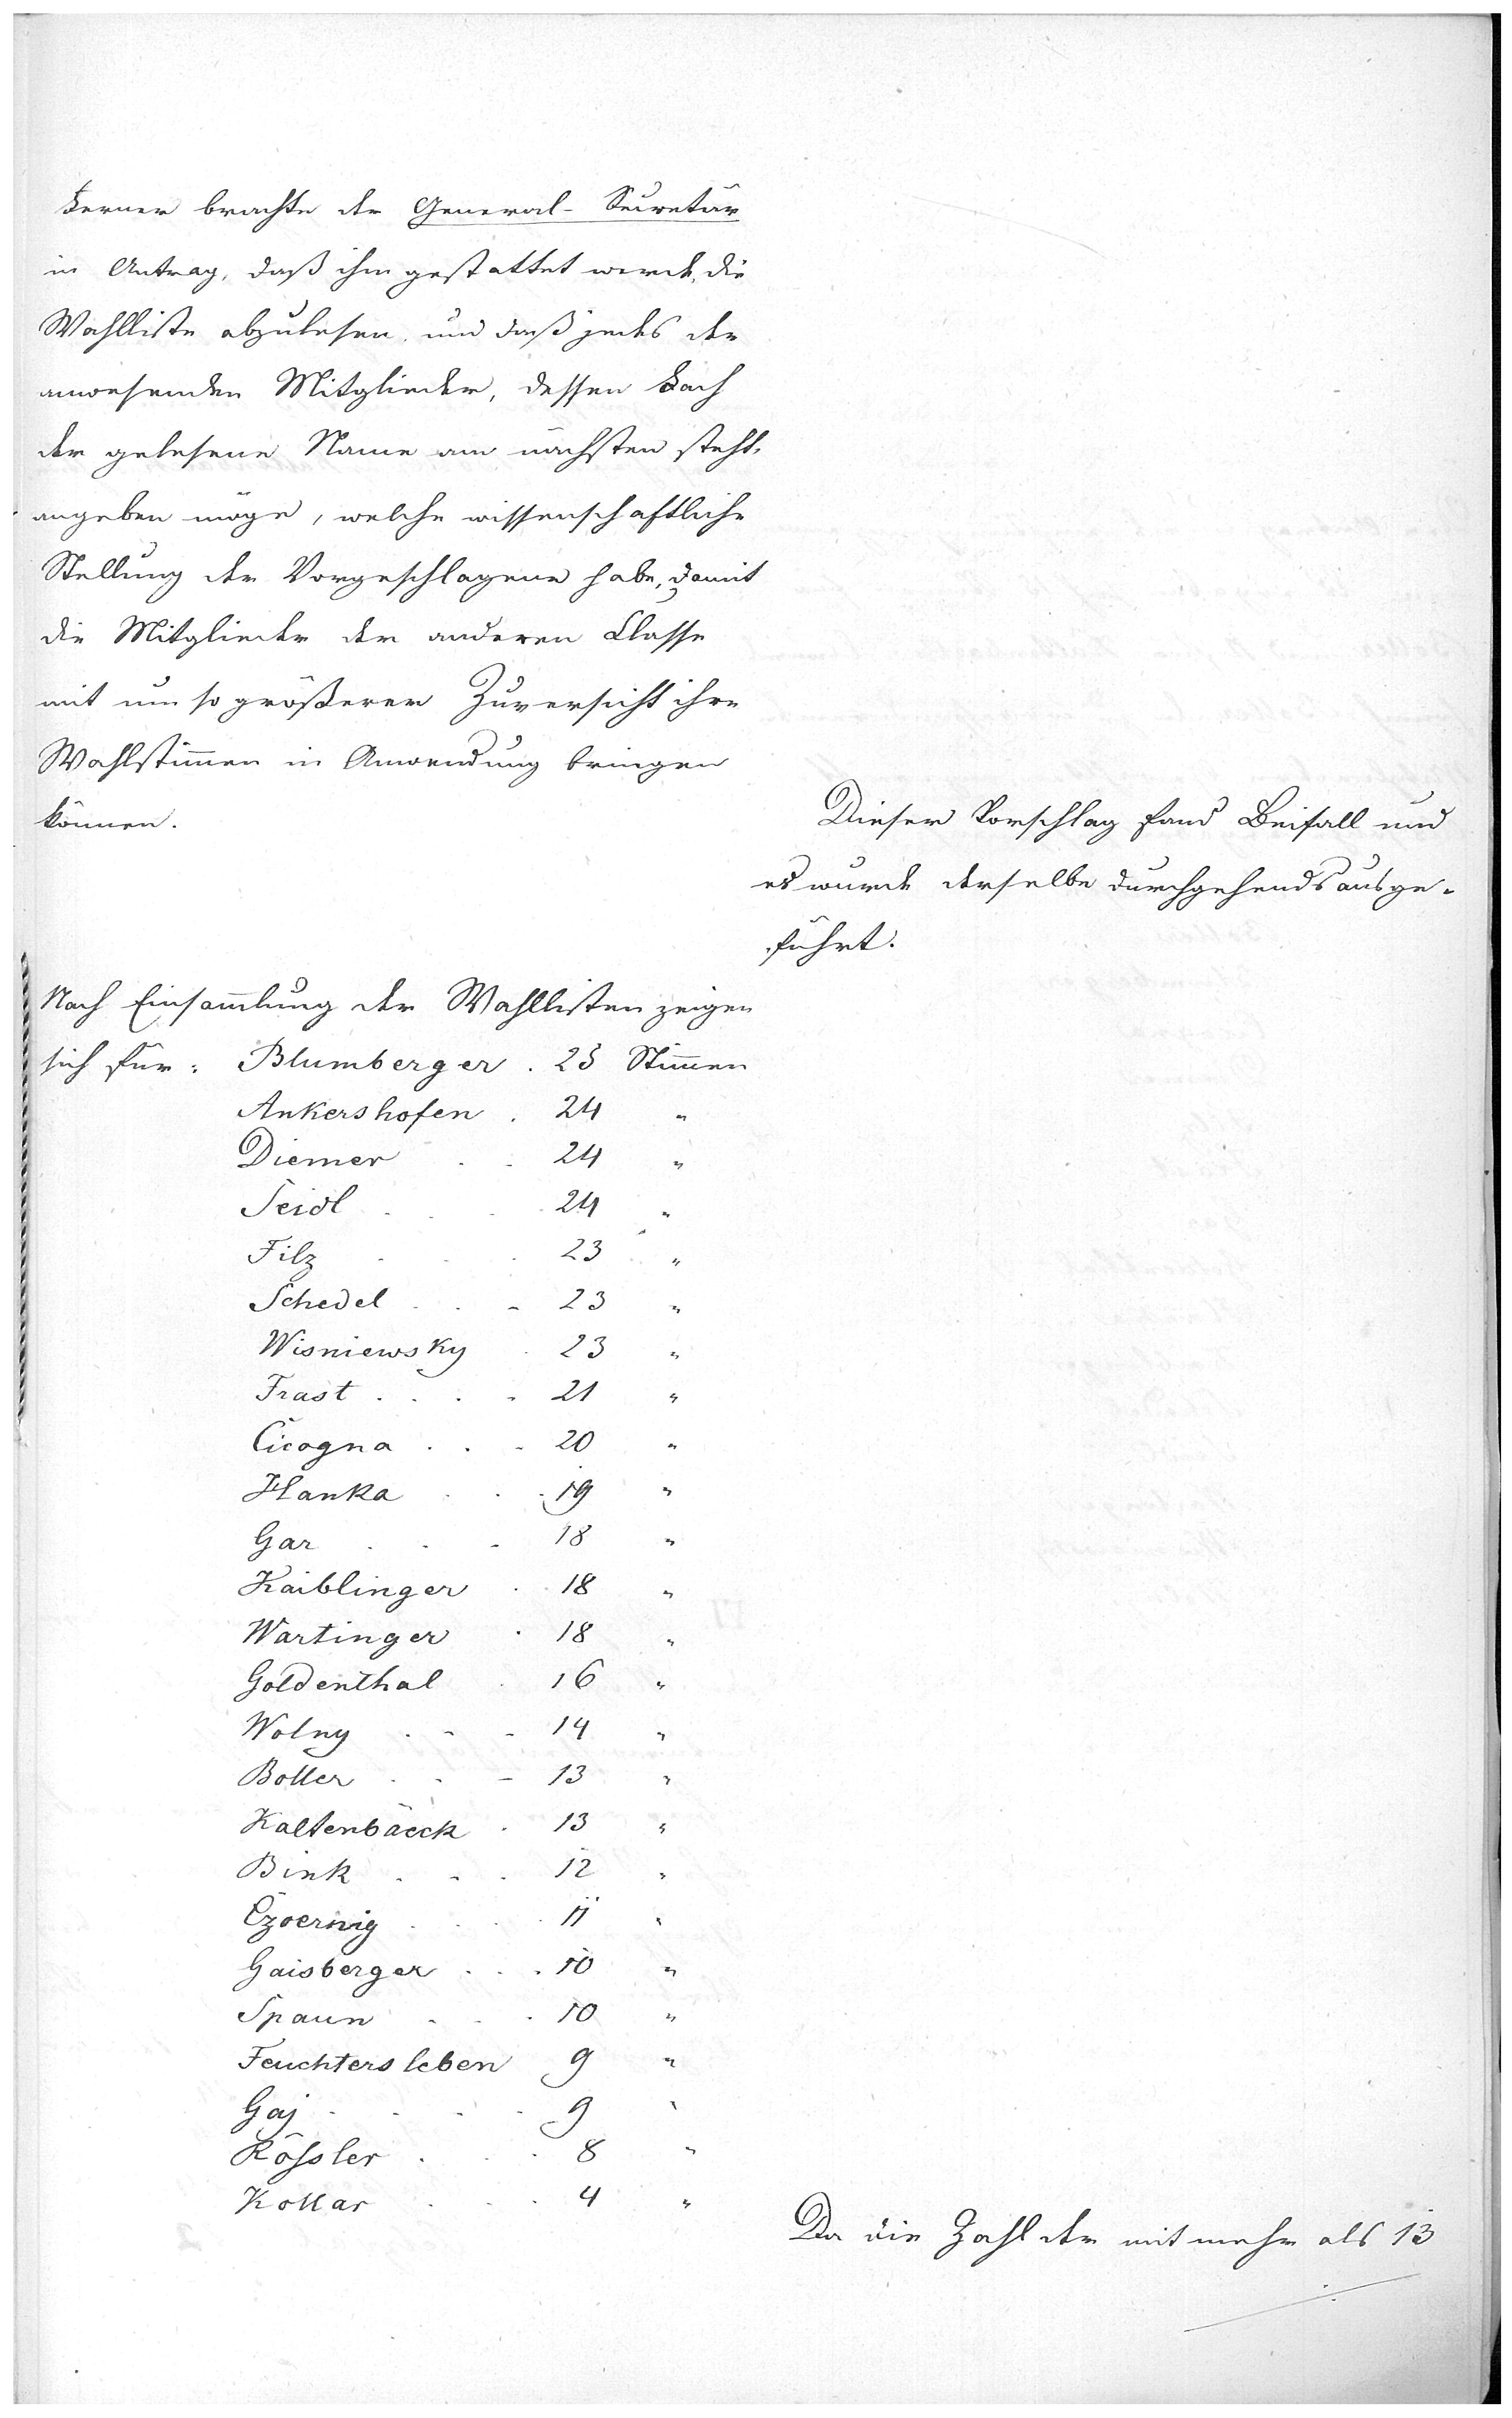Ferner brachte der General-Secretär
in Antrag, daß ihm gestattet werden, die
Wahllisten abzulesen und daß jedes der
anwesenden Mitglieder, dessen Fach
der gelesene Name am nächsten steht,
angeben möge, welche wissenschaftliche
Stellung der Vorgeschlagene habe, damit
die Mitglieder der anderen Classe
mit um so größerer Zuversicht ihre
Wahlstimmen in Anwendnung bringen
können.
Dieser Vorschlag fand Beifall und
es wurde derselbe durchgehend ausge-
führt.
Nach Einsammlung der Wahllisten zeigen
sich für Blumberger 25 Stimmen
Ankershofen . 24 "
Diemer . . 24 "
Seidl . . . . 24 "
Filz . . . 23 "
Schedel . . . 23 "
Wisniewsky . . . 23 "
Frast . . . . 21 "
Cicogna . . . 20
Hanka . . . 19 "
Gar : . . . 18 "
Kaiblinger . 18 "
Wartinger . 18 "
Goldenthal . . 16 "
Wolny . . . 14 "
Boller . . . 13 "
Kaltenbaeck . . . 13 "
Bink . . . 12 "
Czoernig . . . 11 "
Gaisberger . . . 10 "
Spaun . . . 10 "
Feuchtersleben . 9 "
Gaj . . . . 9 "
Rössler . . . 8 "
Kollar . . . . 4"
Da die Zahl der mit mehr als 13